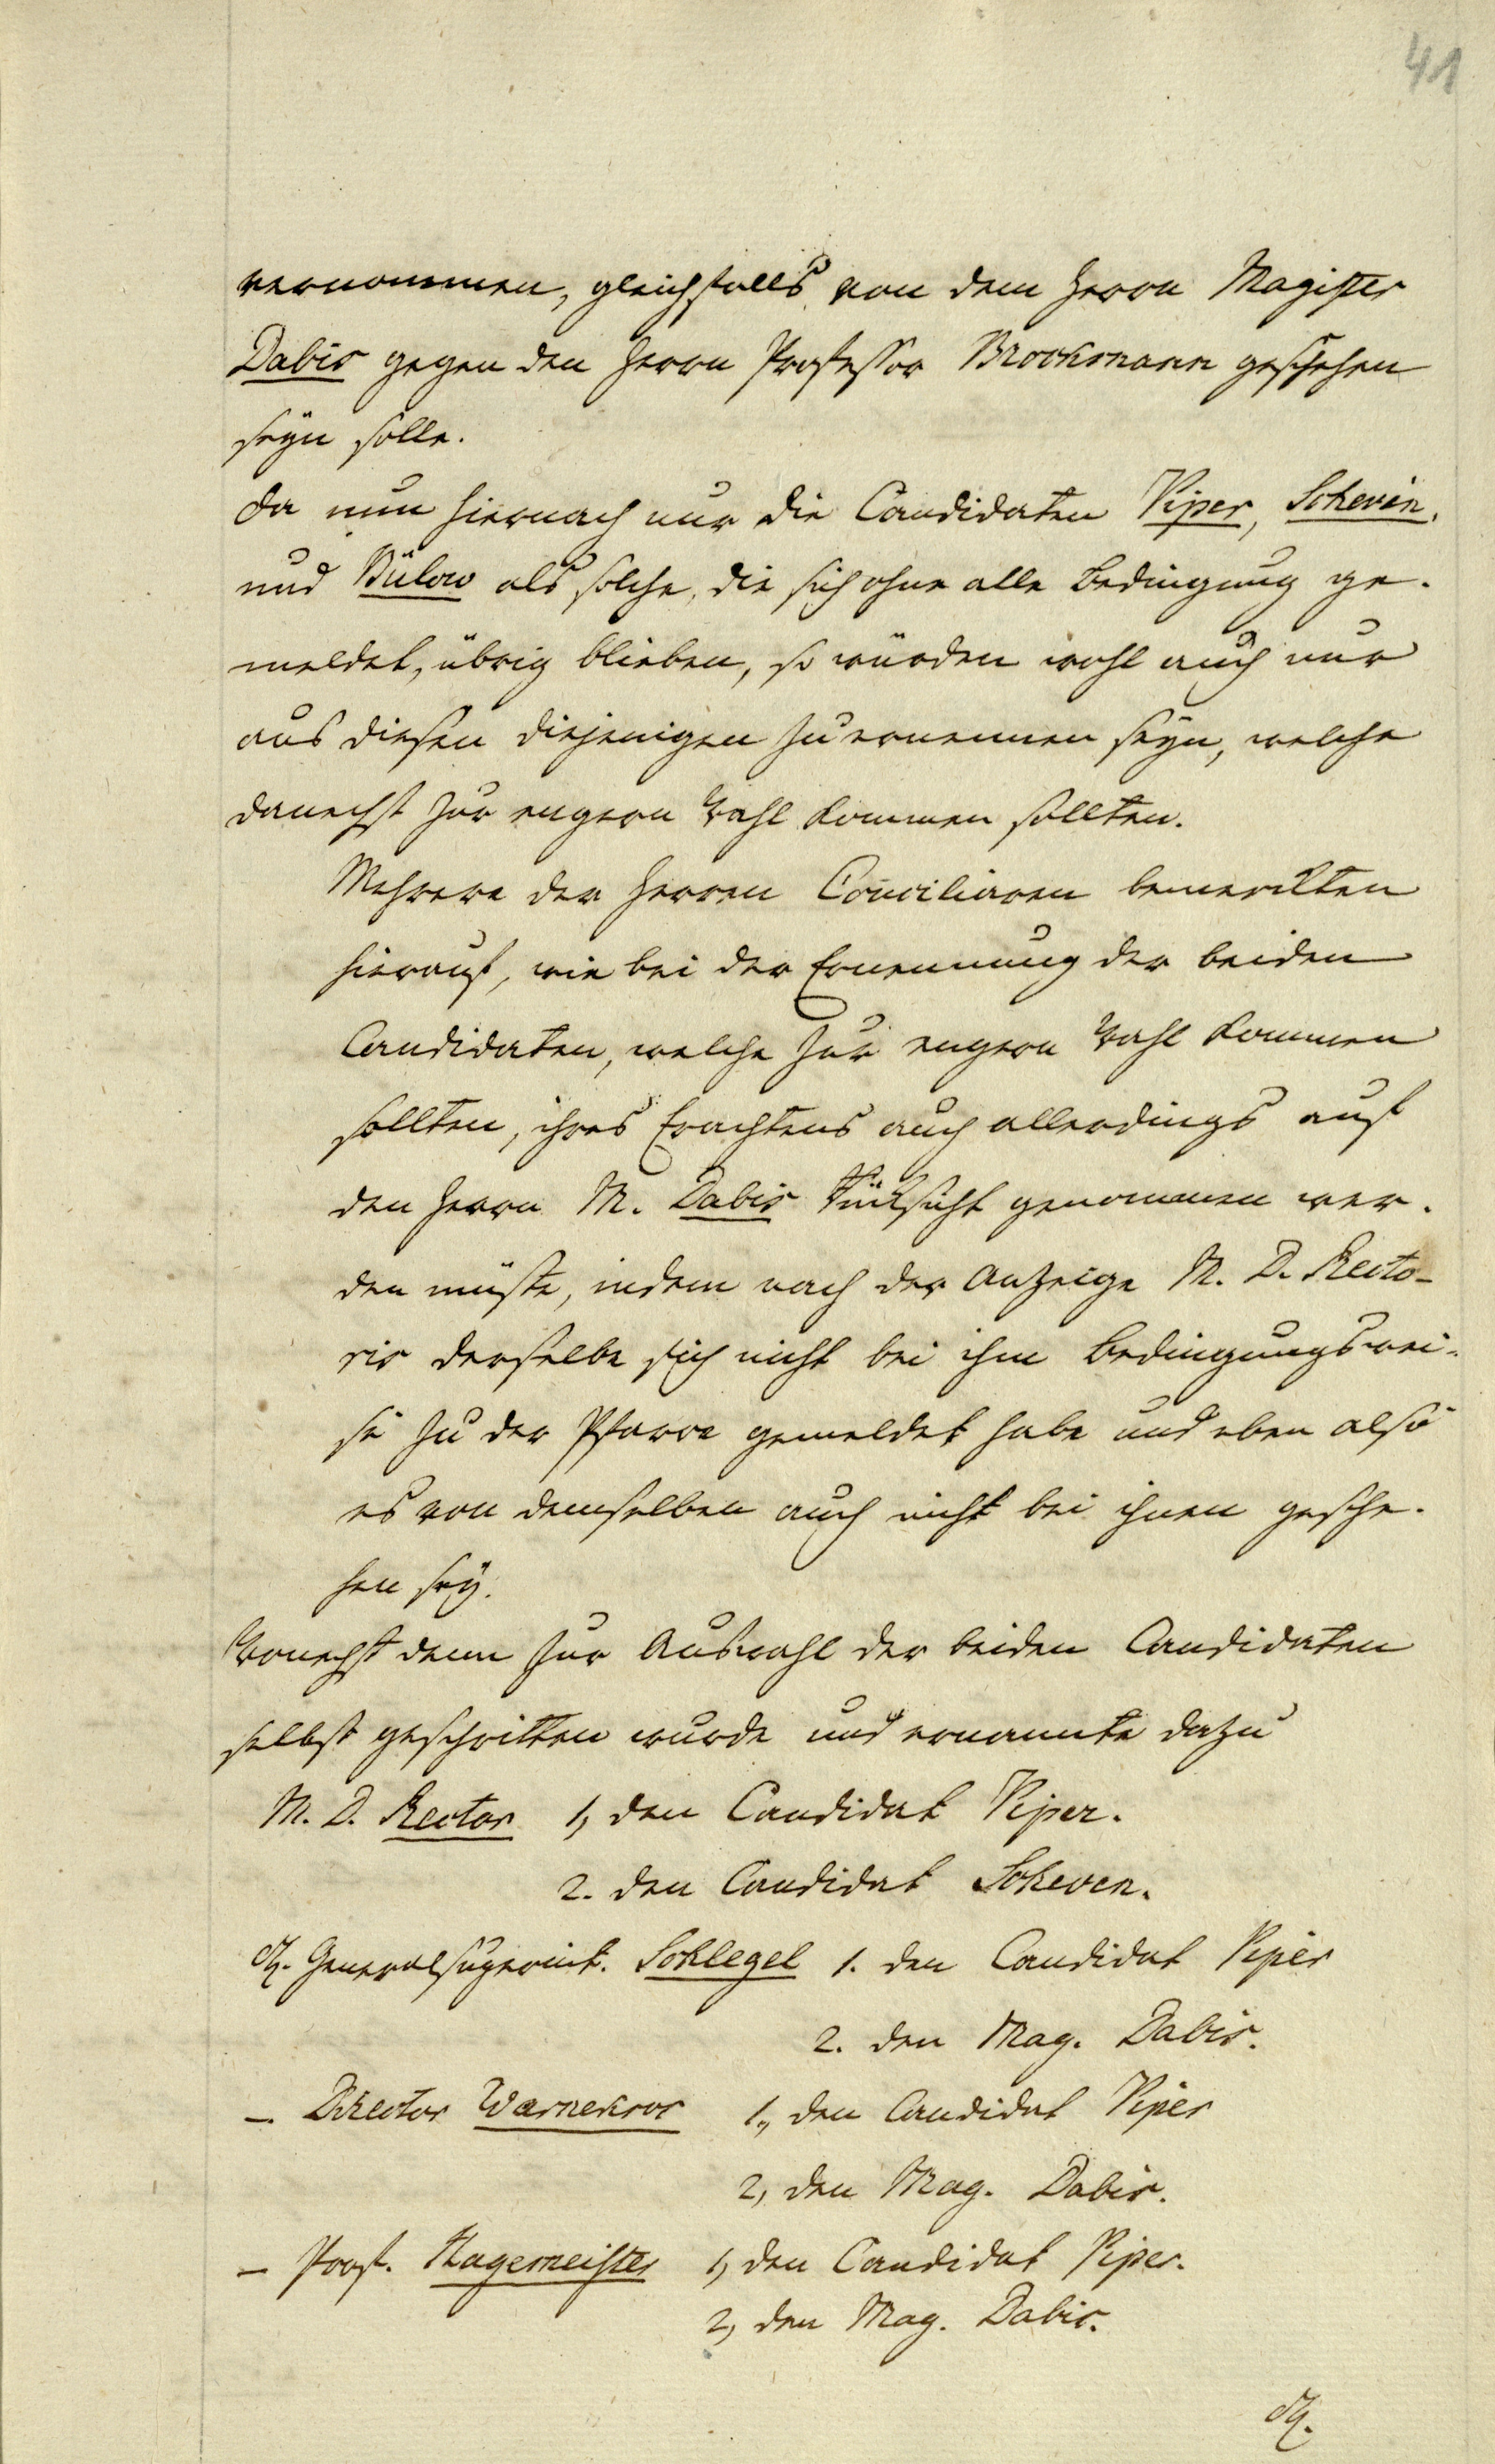vernommen, gleichfalls von dem Herrn Magister
Dabis gegen den Herrn Professor Brockmann geschehen
seÿn solle.
Da nun hiernach nur die Candidaten Piper, Scheven
und Bülow als solche die sich ohne alle Bedingung ge¬
meldet, übrig blieben, so würden wohl auch nur
aus diesen diejenigen zu ernennen seÿn, welche
danechst zur engern Wahl kommen sollten.
Mehrere der Herren Conciliaren bemerckten
hierauf, wie bei der Ernennung der beiden
Candidaten, welche zur engern Wahl kommen
sollten, ihres Erachtens auch allerdings auf
den Herrn M. Dabis Rücksicht genommen wer¬
den müßte, indem nach der Anzeige M. D. Recto¬
ris derselbe sich nicht bei ihm Bedingungswei¬
se zu der Pfarre gemeldet habe und eben also
es von demselben auch nicht bei ihnen gesche-
hen seÿ.
Wonechst dem zur Auswahl der beiden Candidaten
selbst geschritten wurde und ernannte dazu
M. D. Rector 1, den Candidat Piper.
2. den Candidat Scheven.
dh. Generalsuperint. Schlegel 1. den Candidat Piper
2. den Mag. Dabis.
Director Warnekros 1., den Candidat Piper
2, den Mag. Dabis.
Prof. Hagemeister 1, den Candidat Piper.
2., den Mag. Dabis¬
dh.